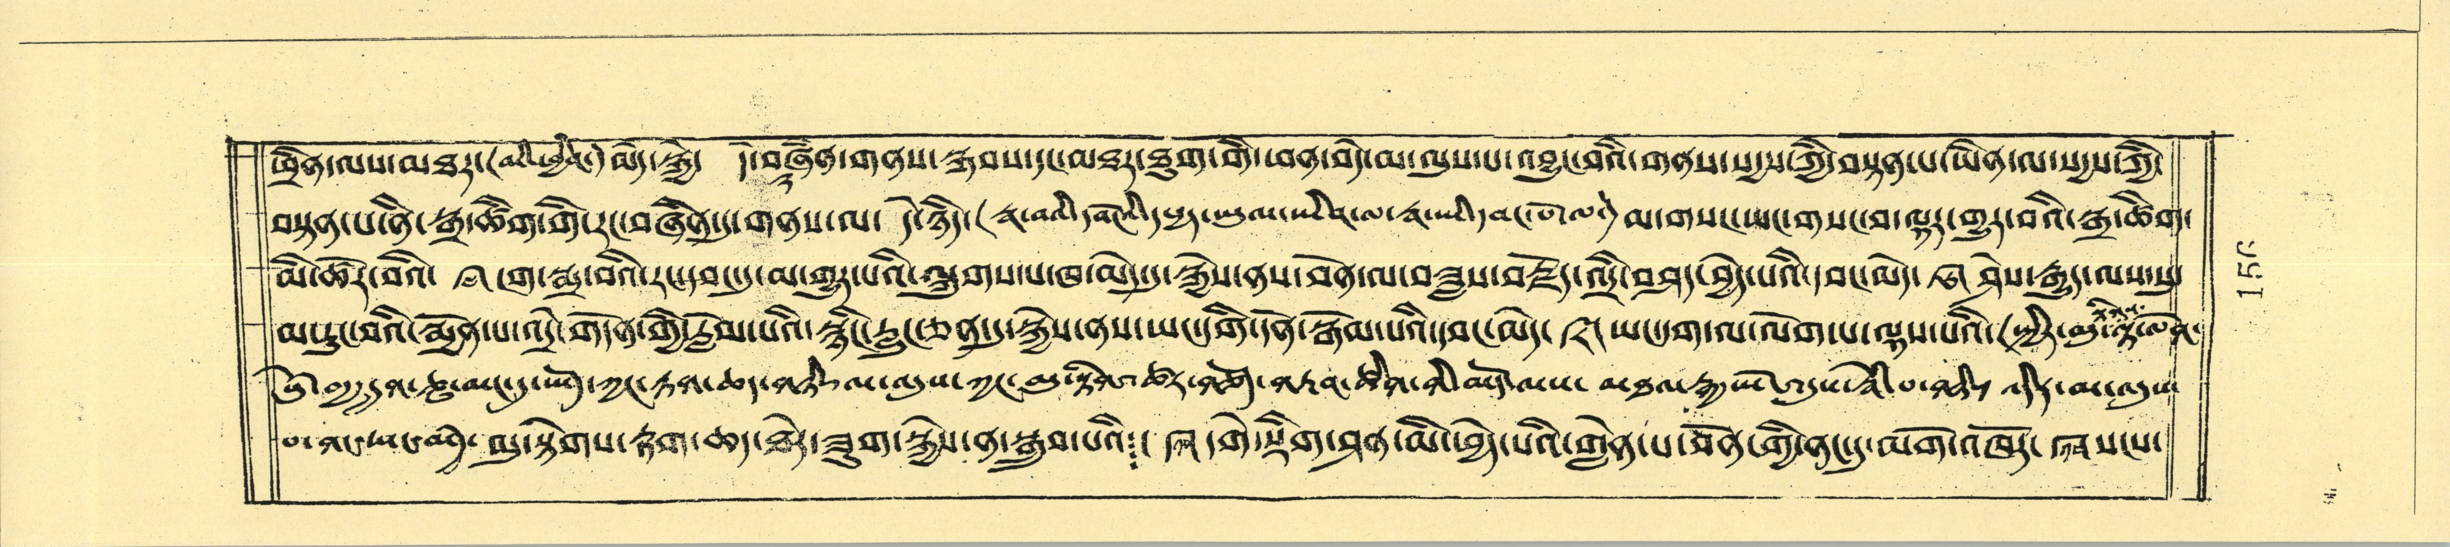ཕྲིན་ལས་མཐར་(མི་ཕྱིན)མེད་སྐྱེ། དེ་བཞིན་གནས་སྐབས་དང་མཐར་ཐུག་གི་ཕན་བདེ་མ་ལུས་པ་འབྱུང་བའི་གནས་སངས་རྒྱས་ཀྱི་བསྟན་པ་ཡིན་ལ་སངས་རྒྱས་ཀྱི་
བསྟན་པ་ནི་སྒྲ་ཚིག་གི་རང་བཞིན་དུ་གནས་ལ། དེ་ཉིད་(དེ་ཉིད་རྣ་བའི་དབང་པོའི་དཔྱད་ཡུལ་ཡིན་ལ་རྣ་བའི་དབང་པོ་ལ)མ་གསང་ཡང་གསང་བ་ལྟར་གྱུར་པའི་སྒྲ་ཚིག་
མི་ཚོར་བའི་༼༤༽ངག་སྨྲ་བའི་རང་དབང་དུ་མ་གྱུར་པའི་ལྐུགས་པ་ཁ་མེད་དུ་སྐྱེས་ནས་བོན་ལ་བཟླས་བརྗོད་འདྲི་བཤད་བྱེད་པའི་དབང་མེད།༼༦༽ཤེས་རྒྱུད་ལས་སུ་
མ་རུང་བའི་སྨྱོན་པ་འདྲེ་གདོན་གྱིས་རློམ་པའི་སྙིང་རླུང་ཅན་དུ་སྐྱེས་ནས་ཡང་དག་གི་དོན་བསྒོམ་པའི་དབང་མེད་༼༨༽ཡང་དག་ལ་ལོག་པར་བལྟས་པའི་(སྤྱིར་མུ་སྟེགས་ལྟ་ལོག་
སུམ་བརྒྱ་དྲུག་ཅུ་མང་དུ་ཡོད་ཀྱང་རྟག་ཆད་གཉིས་ལ་འདུས་ཀྱང་མུ་སྟེགས་ཚར་གཅོད་གཏན་ཚིགས་ཀྱི་མདོ་ལས། མཐའ་རྒྱ་ཡོངས་འདུས་རྣམ་པ་གཉིས། འདིར་མ་འདུས་
པ་གང་ཡང་མེད)མུ་སྟེགས་རྟག་ཆད་ཐེར་ཟུག་སྐྱེས་ན་སྒྲུབ་པའི་༼༡༠༽དགེ་སྡིག་ཤན་མི་ཕྱེད་པའི་གླེན་པ་བོན་གྱི་ནང་དུ་མགོ་འཁོར་༼༡༠༽སངས་